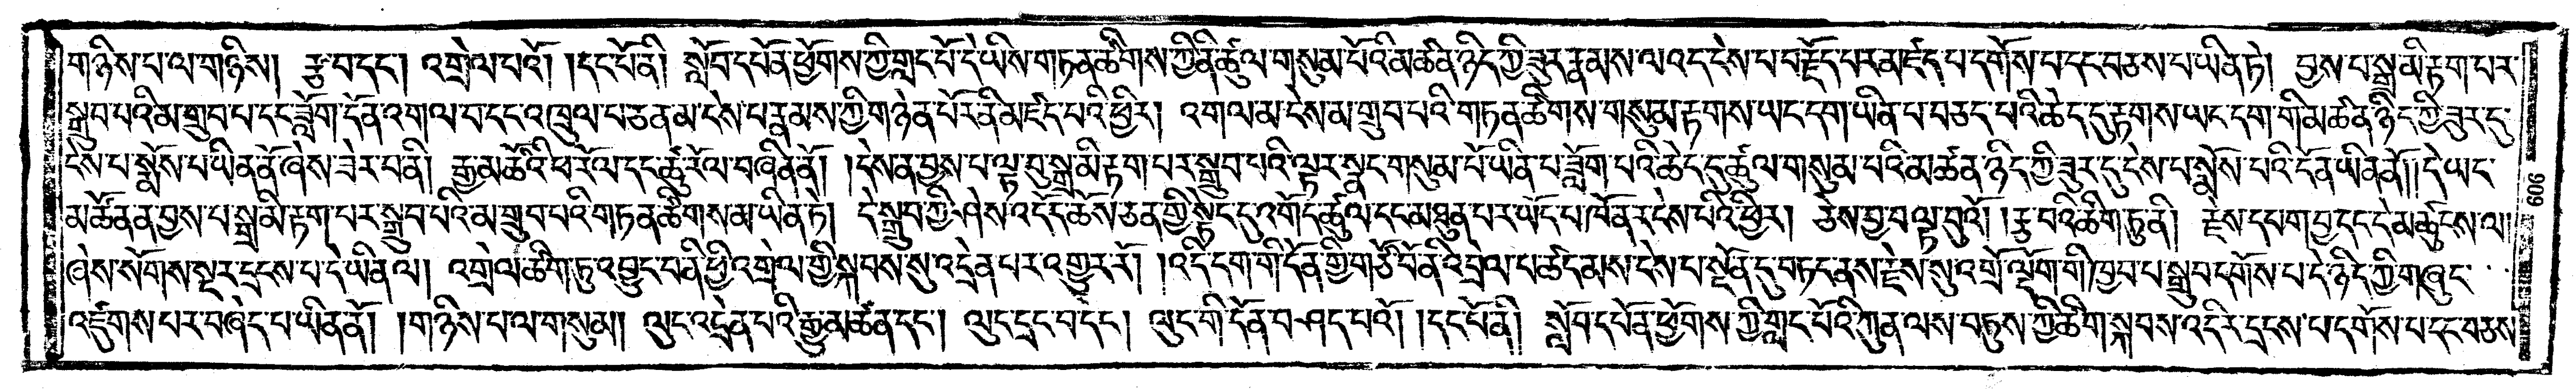གཉིས་པ་ལ་གཉིས། རྩ་བ་དང་། འགྲེལ་པའོ། །དང་པོ་ནི། སློབ་དཔོན་ཕྱོགས་ཀྱི་གླང་པོ་དེ་ཡིས་གཏན་ཚིགས་ཀྱི་ནི་ཚུལ་གསུམ་པོའི་མཚན་ཉིད་ཀྱི་ཟུར་རྣམས་ལའང་ངེས་པ་བརྗོད་པར་མཛད་པ་དགོས་པ་དང་བཅས་པ་ཡིན་ཏེ། བྱས་པ་སྒྲ་མི་རྟག་པར་
སྒྲུབ་པའི་མ་གྲུབ་པ་དང་ཟློག་དོན་འགལ་བ་དང་འཁྲུལ་པ་ཅན་མ་ངེས་པ་རྣམས་ཀྱི་གཉེན་པོར་ནི་མཛད་པའི་ཕྱིར། འགལ་མ་ངེས་མ་གྲུབ་པའི་གཏན་ཚིགས་གསུམ་རྟགས་ཡང་དག་ཡིན་པ་བཅད་པའི་ཆེད་དུ་རྟགས་ཡང་དག་གི་མཚན་ཉིད་ཀྱི་ཟུར་དུ་
ངེས་པ་སྨོས་པ་ཡིན་ནོ་ཞེས་ཟེར་བ་ནི། རྒྱ་མཚོའི་ཕ་རོལ་དང་ཚུ་རོལ་བཞིན་ནོ། །དེས་ན་བྱས་པ་ལྟ་བུ་སྒྲ་མི་རྟག་པར་སྒྲུབ་པའི་ལྟར་སྣང་གསུམ་པོ་ཡིན་པ་ཟློག་པའི་ཆེད་དུ་ཚུལ་གསུམ་པའི་མཚན་ཉིད་ཀྱི་ཟུར་དུ་ངེས་པ་སྨོས་པའི་དོན་ཡིན་ནོ། །དེ་ཡང་
མཚོན་ན་བྱས་པ་སྒྲ་མི་རྟག་པར་སྒྲུབ་པའི་མ་གྲུབ་པའི་གཏན་ཚིགས་མ་ཡིན་ཏེ། དེ་སྒྲུབ་ཀྱི་ཤེས་འདོད་ཆོས་ཅན་གྱི་སྟེང་དུ་འགོད་ཚུལ་དང་མཐུན་པར་ཡོད་པ་ཁོ་ནར་ངེས་པའི་ཕྱིར། ཅེས་བྱ་བ་ལྟ་བུའོ། །རྩ་བའི་ཚིག་ཏུ་ནི། རྗེས་དཔག་བྱ་དང་དེ་མཚུངས་ལ།
ཞེས་སོགས་སྔར་དྲངས་པ་དེ་ཡིན་ལ། འགྲེལ་ཚིག་ཏུ་འབྱུང་བ་ནི་ཕྱི་འགྲེལ་གྱི་སྐབས་སུ་འདྲེན་པར་འགྱུར་རོ། །འདི་དག་གི་དོན་གྱི་གཙོ་བོ་ནི་འབྲེལ་པ་ཚད་མས་ངེས་པ་སྔོན་དུ་བཏང་ནས་རྗེས་སུ་འགྲོ་ལྡོག་གི་ཁྱབ་པ་སྒྲུབ་དགོས་པ་དེ་ཉིད་ཀྱི་གཞུང་
འཛུགས་པར་བཞེད་པ་ཡིན་ནོ། །གཉིས་པ་ལ་གསུམ། ལུང་འདྲེན་པའི་རྒྱུ་མཚན་དང་། ལུང་དྲང་བ་དང་། ལུང་གི་དོན་བཤད་པའོ། །དང་པོ་ནི། སློབ་དཔོན་ཕྱོགས་ཀྱི་གླང་པོའི་ཀུན་ལས་བཏུས་ཀྱི་ཚིག་སྐབས་འདིར་དྲངས་པ་དགོས་པ་དང་བཅས་